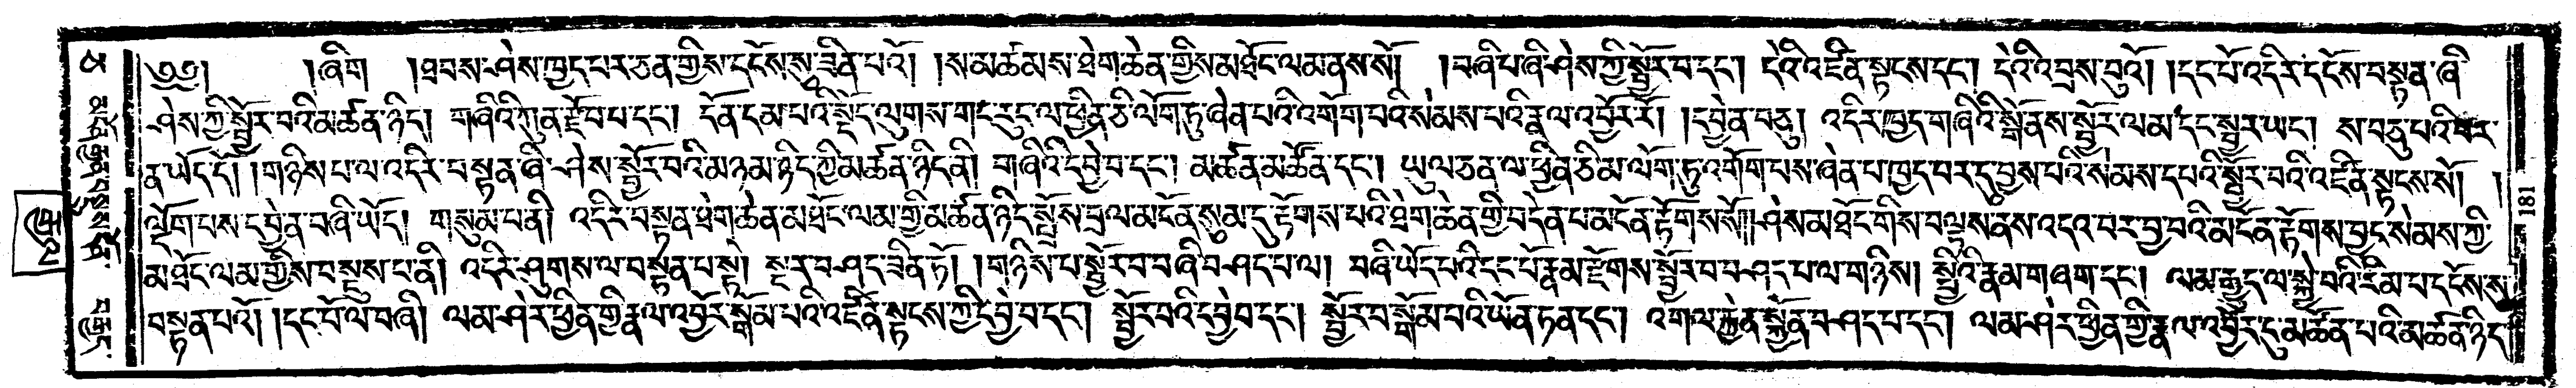༄༅། །ཞིག །ཐབས་ཤེས་ཁྱད་པར་ཅན་གྱིས་དངོས་སུ་ཟིན་པའོ། །ས་མཚམས་ཐེག་ཆེན་གྱིས་མཐོང་ལམ་ནས་སོ། །བཞི་པ་ཞི་ཤེས་ཀྱི་སྦྱོར་བ་དང་། དེའི་འཛིན་སྟངས་དང་། དེའི་འབྲས་བུའོ། །དང་པོ་འདིར་དངོས་བསྟན་ཞི་
ཤེས་ཀྱི་སྦྱོར་བའི་མཚན་ཉིད། གཞིའི་ཀུན་རྫོབ་པ་དང་། དོན་དམ་པའི་སྡོད་ལུགས་གང་རུང་ལ་ཕྱིན་ཅི་ལོག་ཏུ་ཞེན་པའི་འགོག་པའི་སེམས་པའི་རྣལ་འབྱོར་རོ། །དབྱེ་ན་བཅུ། འདིར་ཁྱད་གཞིའི་སྒོ་ནས་སྦྱོར་ལམ་དང་སྦྱར་ཡང་། ས་བཅུ་པའི་བར་
ན་ཡོད་དོ། །གཉིས་པ་ལ་འདིར་བསྟན་ཞི་ཤེས་སྦྱོར་བའི་མཉམ་ཉིད་ཀྱི་མཚན་ཉིད་ནི། གཞིའི་དབྱེ་བ་དང་། མཚན་མཚོན་དང་། ཡུལ་ཅན་ལ་ཕྱིན་ཅི་མ་ལོག་ཏུ་འགོག་པས་ཞེན་པ་ཁྱད་པར་དུ་བྱས་པའི་སེམས་དཔའི་སྦྱོར་བའི་འཛིན་སྟངས་སོ། །
ལྡོག་པས་དབྱེ་ན་བཞི་ཡོད། གསུམ་པ་ནི། འདིར་བསྟན་ཐེག་ཆེན་མཐོང་ལམ་གྱི་མཚན་ཉིད་སྤྲོས་བྲལ་མངོན་སུམ་དུ་རྟོགས་པའི་ཐེག་ཆེན་གྱི་བདེན་པ་མངོན་རྟོགས་སོ། །ཤེས་མཐོང་གིས་བལྟས་ནས་འདའ་བར་བྱ་བའི་མངོན་རྟོགས་བྱང་སེམས་ཀྱི་
མཐོང་ལམ་གྱིས་བསྡུས་པ་ནི། འདིར་ཤུགས་ལ་བསྟན་པ་སྟེ། སྔར་བཤད་ཟིན་ཏོ། །གཉིས་པ་སྦྱོར་བ་བཞི་བཤད་པ་ལ། བཞི་ཡོད་པའི་དང་པོ་རྣམ་རྫོགས་སྦྱོར་བ་བཤད་པ་ལ་གཉིས། སྤྱིའི་རྣམ་གཞག་དང་། ལམ་རྒྱུད་ལ་སྐྱེ་བའི་རིམ་པ་དངོས་སུ་
བསྟན་པའོ། །དང་པོ་ལ་བཞི། ལམ་ཤེར་ཕྱིན་གྱི་རྣལ་འབྱོར་སྒོམ་པའི་འཛིན་སྟངས་ཀྱི་དབྱེ་བ་དང་། སྦྱོར་བའི་དབྱེ་བ་དང་། སྦྱོར་བ་སྒོམ་པའི་ཡོན་ཏན་དང་། འགལ་རྐྱེན་སྐྱོན་བཤད་པ་དང་། ལམ་ཤེར་ཕྱིན་གྱི་རྣལ་འབྱོར་དུ་མཚོན་པའི་མཚན་ཉིད་